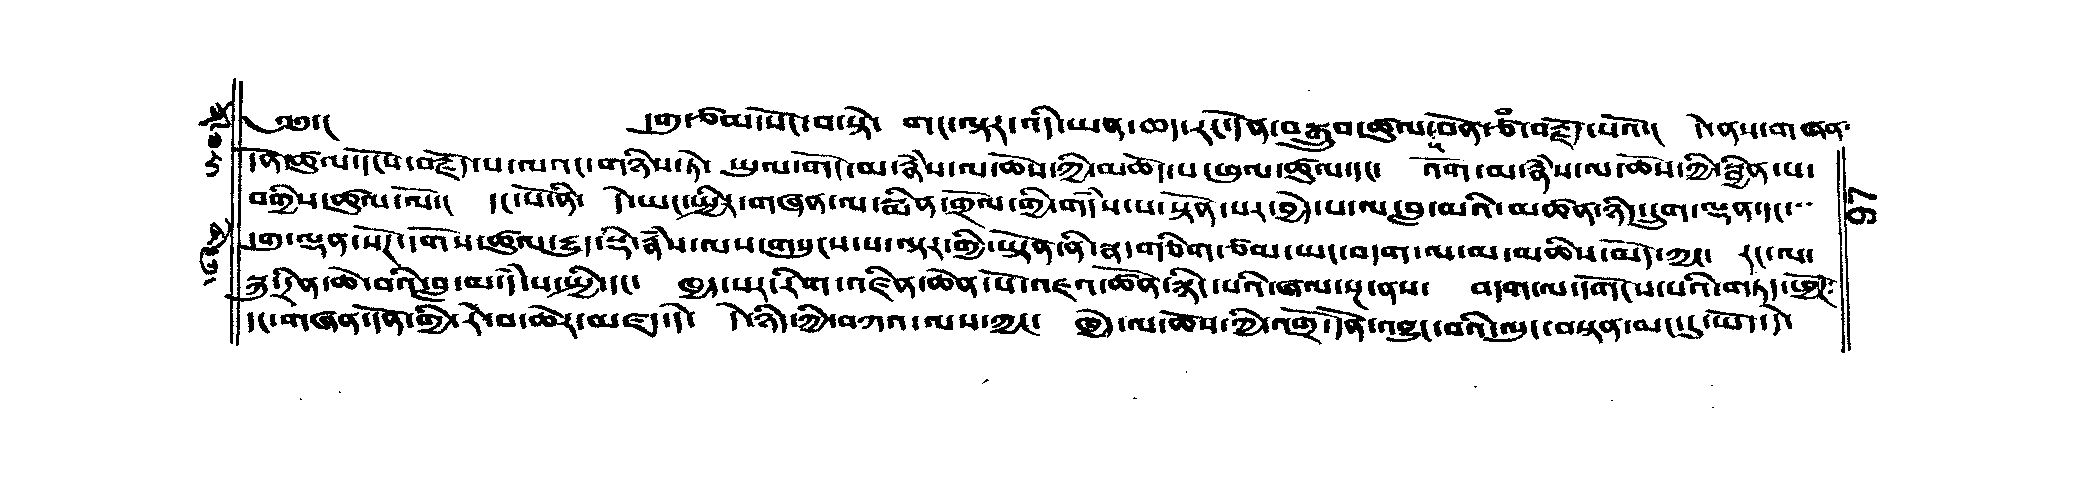དགུ་ཙམ་སོང་བ་སྟེ། གང་ལྟར་འདི་ཡན་ཆད་རང་དོན་བསྒྲུབས་ཚུལ་ས་བོན་ཙམ་བརྗོད་པའོ།། དེ་ནས་གཞན་
དོན་བགྱིས་ཚུལ་དངོས་བརྗོད་པ་ལའང་གཉིས་ཏེ། ཡུལ་གོང་མ་རྣམས་ལ་ཆོས་ཀྱི་མཆོད་པ་ཕུལ་ཚུལ་དང་། འོག་མ་རྣམས་ལ་ཆོས་ཀྱི་སྦྱིན་པ་
བགྱིས་ཚུལ་ལོ། དང་པོ་ནི། དེ་ཡང་སྤྱིར་གཞན་ལ་སྨིན་གྲོལ་གྱི་གདམས་པ་སྟོན་པར་བྱེད་པ་ལ་བླ་མའི་མཚན་ཉིད་དྲུག་ལྡན་དང་
དགུ་ལྡན་སོགས་དགོས་ཚུལ་རྒྱུད་སྡེ་རྣམས་ལས་གསུངས་པ་ལྟར་གྱི་ཡོན་ཏན་ནི་སྣ་གཅིག་ཙམ་ཡང་བདག་ལ་མ་མཆིས་མོད་ཀྱང་།རང་ལ་
སྐུ་དྲིན་ཆེ་བའི་བླ་མ་དམ་པ་སྤྱི་དང་། ཁྱད་པར་རིག་འཛིན་ཆེན་པོ་འཇའ་ཚོན་སྙིང་པོའི་ཞལ་སྔ་ནས། བདག་ལ་དགོངས་པའི་གཏད་ཕྱོགས་
དང་གཞན་དོན་གྱི་རེ་བ་ཆེར་མཛད་དེ། དེ་ཉིད་ཀྱི་བཀའ་ལས་ཀྱང་། ཁྱེད་ལ་ཆོས་ཀྱི་འགྲོ་དོན་འབྱུང་བའི་ལུང་བསྟན་མང་དུ་ཡོད་དེ།